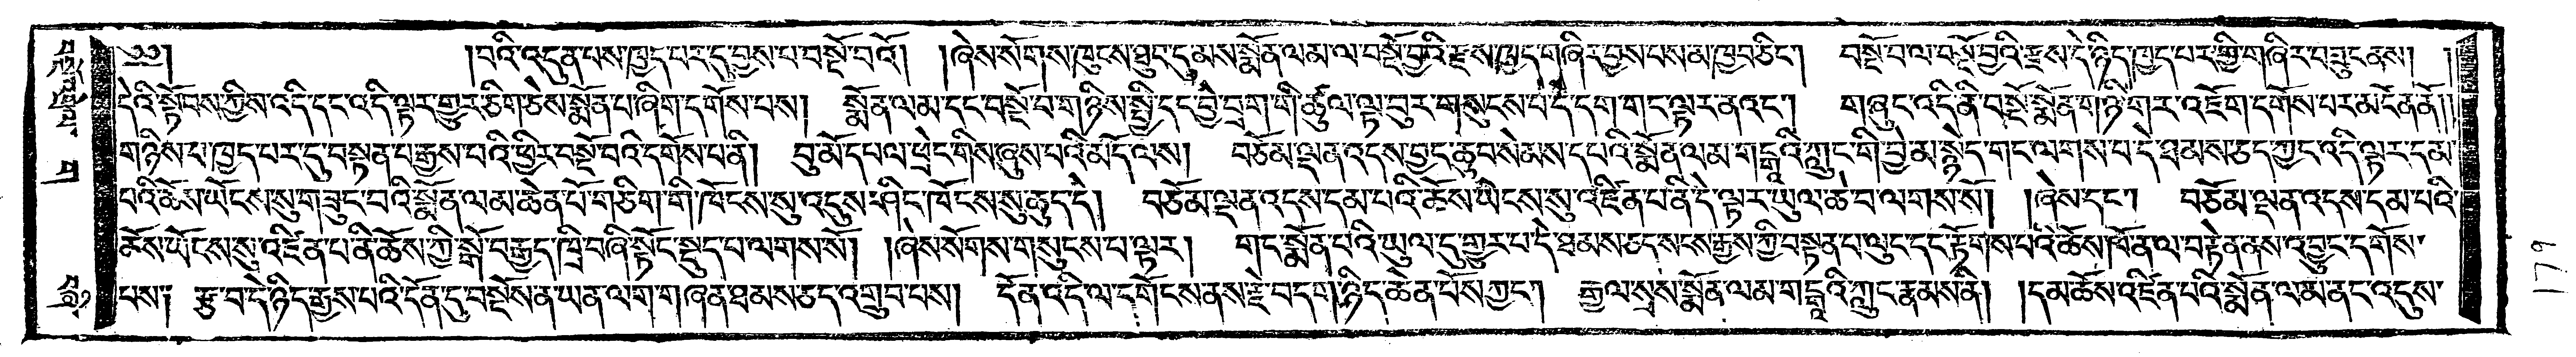༄༅། །བའི་འདུན་པས་ཁྱད་པར་དུ་བྱས་པ་བསྔོ་བའོ། །ཞེས་སོགས་ཁུངས་ཐུབ་དུ་མས་སྨོན་ལམ་ལ་བསྔོ་བྱའི་རྫས་ཁྱད་གཞིར་བྱས་པས་མ་ཁྱབ་ཅིང་། བསྔོ་བ་ལ་བསྔོ་བྱའི་རྫས་དེ་ཉིད་ཁྱད་པར་གྱི་གཞིར་བཟུང་ནས། །
དེའི་སྟོབས་ཀྱིས་འདི་དང་འདི་ལྟར་གྱུར་ཅིག་ཅེས་སྨོན་པ་ཞིག་དགོས་པས། སྨོན་ལམ་དང་བསྔོ་བ་གཉིས་སྤྱི་དང་བྱེ་བྲག་གི་ཚུལ་ལྟ་བུར་གསུངས་པ་དེ་དག་གང་ལྟར་ནའང་། གཞུང་འདི་ནི་བསྔོ་སྨོན་གཉི་གར་འཇོག་དགོས་པར་མངོན་ནོ།།
གཉིས་པ་ཁྱད་པར་དུ་བསྟན་པ་རྒྱས་པའི་ཕྱིར་བསྔོ་བའི་དགོས་བ་ནི། བུ་མོ་དཔལ་ཕྲེང་གིས་ཞུས་པའི་མདོ་ལས། བཅོམ་ལྡན་འདས་བྱང་ཆུབ་སེམས་དཔའི་སྨོན་ལམ་གངྒཱའི་ཀླུང་གི་བྱེ་མ་སྙེད་གང་ལགས་པ་དེ་ཐམས་ཅད་ཀྱང་འདི་ལྟར་དམ་
པའི་ཆོས་ཡོངས་སུ་གཟུང་བའི་སྨོན་ལམ་ཆེན་པོ་གཅིག་གི་ཁོངས་སུ་འདུས་ཤིང་ཁོངས་སུ་ཆུད་དེ། བཅོམ་ལྡན་འདས་དམ་པའི་ཆོས་ཡོངས་སུ་འཛིན་པ་ནི་དེ་ལྟར་ཡུལ་ཆེ་བ་ལགས་སོ། །ཞེས་དང་། བཅོམ་ལྡན་འདས་དམ་པའི་
ཆོས་ཡོངས་སུ་འཛིན་པ་ནི་ཆོས་ཀྱི་སྒོ་བརྒྱད་ཁྲི་བཞི་སྟོང་སྡུད་པ་ལགས་སོ། །ཞེས་སོགས་གསུངས་པ་ལྟར། གང་སྨོན་པའི་ཡུལ་དུ་གྱུར་པ་དེ་ཐམས་ཅད་སངས་རྒྱས་ཀྱི་བསྟན་པ་ལུང་དང་རྟོགས་པའི་ཆོས་ཁོ་ན་ལ་བརྟེན་ནས་འབྱུང་དགོས་
པས༑ རྩ་བ་དེ་ཉིད་རྒྱས་པའི་དོན་དུ་བསྔོས་ན་ཡན་ལག་གཞན་ཐམས་ཅད་འགྲུབ་པས། དོན་འདི་ལ་དགོངས་ནས་རྗེ་བདག་ཉིད་ཆེན་པོས་ཀྱང་། རྒྱལ་སྲས་སྨོན་ལམ་གངྒཱའི་ཀླུང་རྣམས་ནི། །དམ་ཆོས་འཛིན་པའི་སྨོན་ལམ་ནང་འདུས་